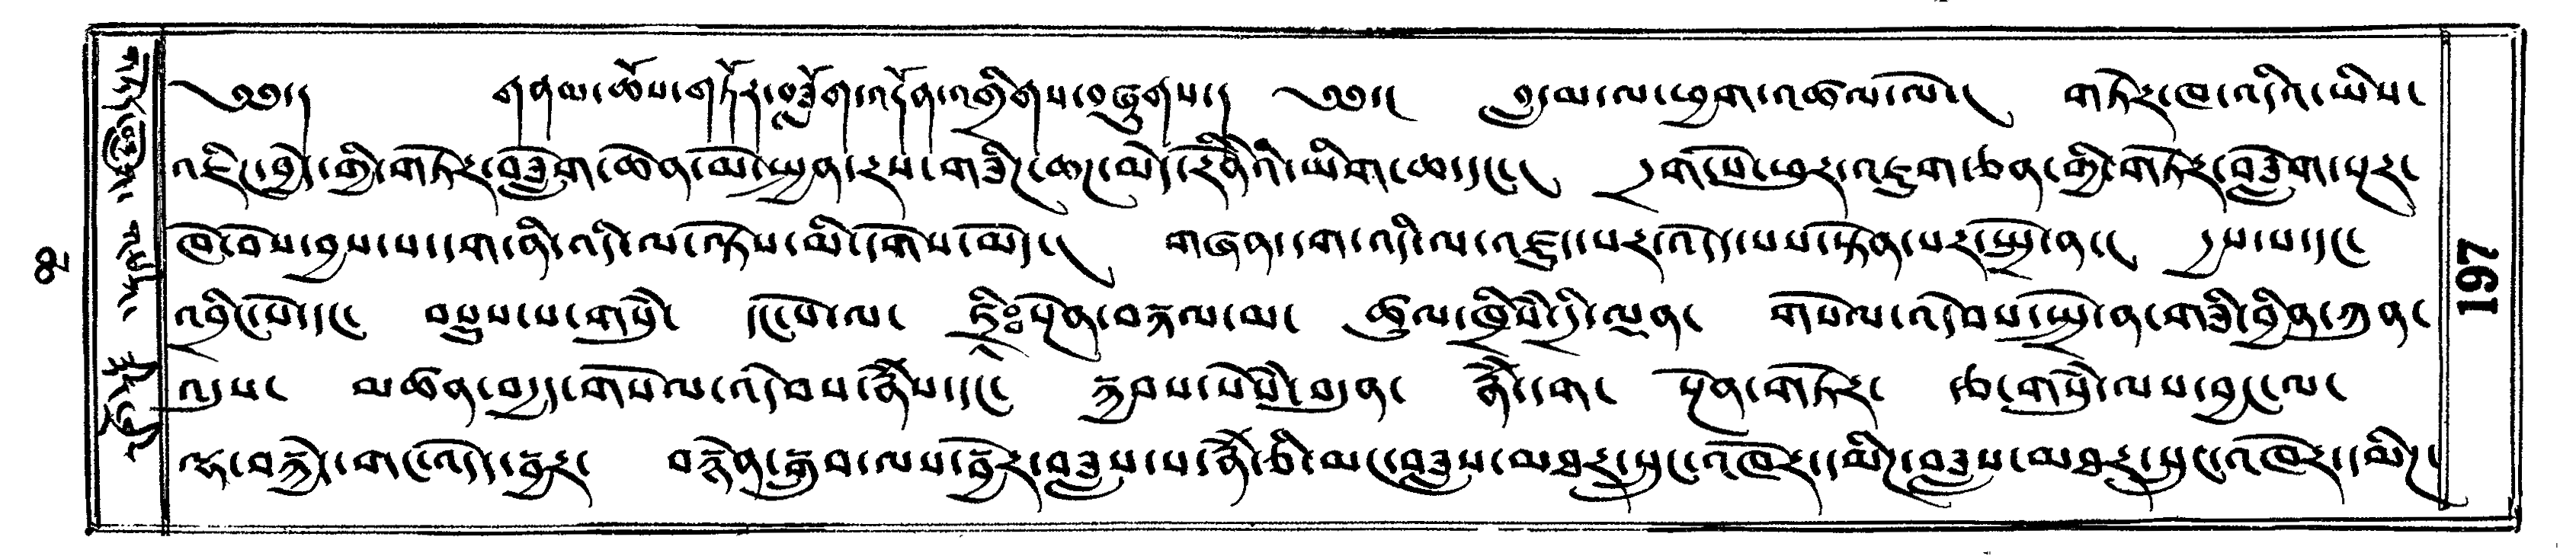༄༅། གནམ་ཆོས་གཏོར་བཟློག་འདོན་འགྲིགས་བཞུགས། ༄༅། བླ་མ་ལ་ཕྱག་འཚལ་ལོ། གཏེར་ཁ་འདི་ཡི་
འཇིགས་བྱེད་གྱི་གཏོར་བཟློག་ཆེན་མོ་སྤྱན་རས་གཟིགས་ཆགས་མེད་རིན་པོ་ཆེའི་ཡིག་ཆ་དང་། དྲག་པོ་ཕུར་འཇུག་ཅན་གྱི་གཏོར་བཟློག་སྔར་
ཁོ་བོས་བྱས་པ་དག་ནི་འདི་ལ་ལྟོས་མི་དགོས་མོད། གཞན་དག་འདི་ལ་འཛུད་པར་འདོད་པས་སྟོན་པར་སྤྲོ་ན། རྒྱས་པ་དང་། 
འབྲིང་པོ་དང་། བསྡུས་པ་གསུམ། དང་པོ་ལ། ཧྲཱིཿསྔོན་བསྐལ་མ༴ ཚུལ་ཁྲིམས་དྲི་ལྡན༴ གསོལ་འདེབས་སྤྲོ་ན་གཟི་བྱིན་ཀུན་
འདུས། མཚན་བརྒྱད་གསོལ་འདེབས་རྣམས་དང་། སྐྱབས་སེམས་བདུན། རྣམ་དག སྔོན་གཏོར། རྩ་གསུམ་ལས་བྱང་ལ་
ལྷ་བསྐྱེད་གང་འདོད་སྦྱར། བསྙེན་སྒྲུབ་ལས་སྦྱོར་བཟླས་པ་རྣམས་ཅི་མང་བཟླས་མཐར་སྲུང་འཁོར་དམིགས་བཟླས་མཐར་སྲུང་འཁོར་དམིགས་